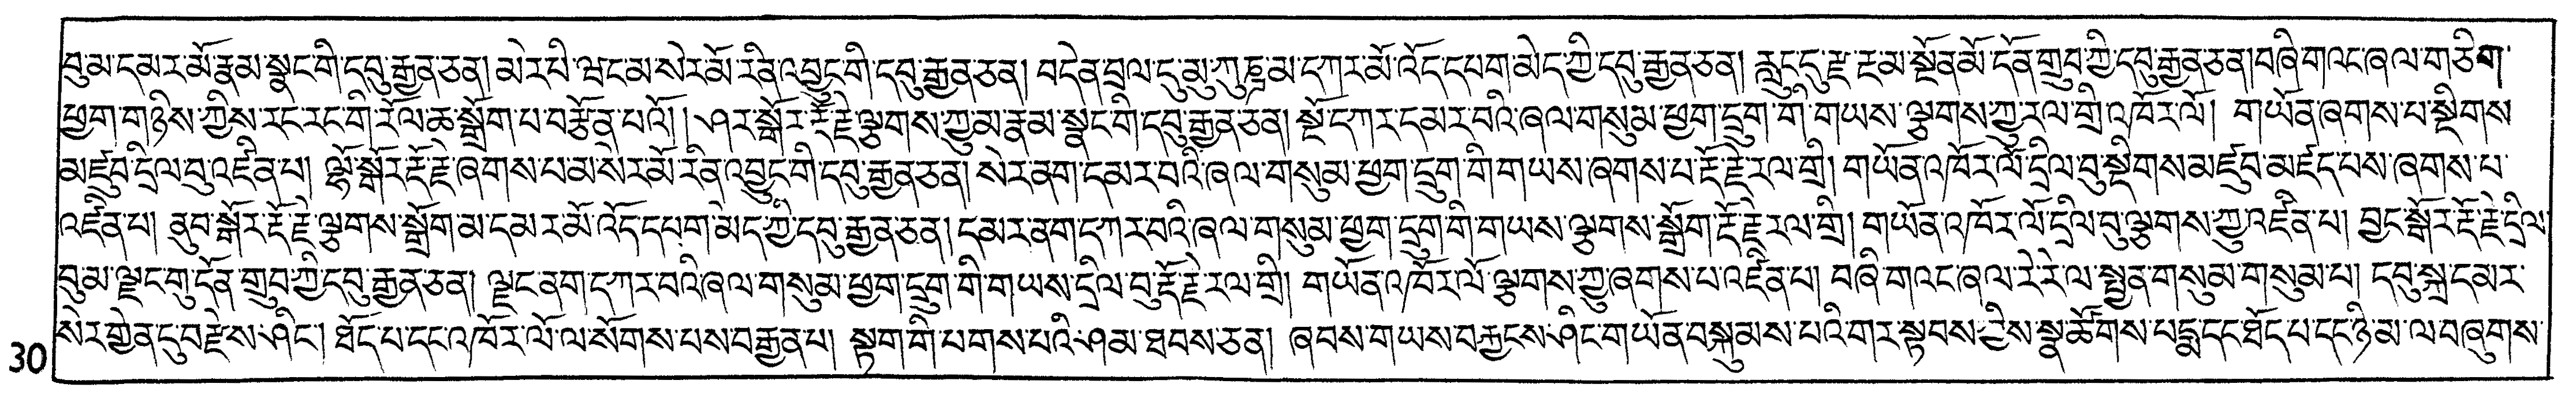བུ་མ་དམར་མོ་རྣམ་སྣང་གི་དབུ་རྒྱན་ཅན། མེར་པི་ཝང་མ་སེར་མོ་རིན་འབྱུང་གི་དབུ་རྒྱན་ཅན། བདེན་བྲལ་དུ་མུ་ཀུཎྜ་མ་དཀར་མོ་འོད་དཔག་མེད་ཀྱི་དབུ་རྒྱན་ཅན། རླུང་དུ་རྫ་རྔ་མ་སྔོན་མོ་དོན་གྲུབ་ཀྱི་དབུ་རྒྱན་ཅན། བཞི་གའང་ཞལ་གཅིག་
ཕྱག་གཉིས་ཀྱིས་རང་རང་གི་རོལ་ཆ་སྒྲོག་པ་བརྩོན་པའོ། །ཤར་སྒོར་རྡོ་རྗེ་ལྕགས་ཀྱུ་མ་རྣམ་སྣང་གི་དབུ་རྒྱན་ཅན། སྔོ་དཀར་དམར་བའི་ཞལ་གསུམ་ཕྱག་དྲུག་གི་གཡས་ལྕགས་ཀྱུ་རལ་གྲི་འཁོར་ལོ། གཡོན་ཞགས་པ་སྡིགས་
མཛུབ་དྲིལ་བུ་འཛིན་པ། ལྷོ་སྒོར་རྡོ་རྗེ་ཞགས་པ་མ་སེར་མོ་རིན་འབྱུང་གི་དབུ་རྒྱན་ཅན། སེར་ནག་དམར་བའི་ཞལ་གསུམ་ཕྱག་དྲུག་གི་གཡས་ཞགས་པ་རྡོ་རྗེ་རལ་གྲི་།གཡོན་འཁོར་ལོ་དྲིལ་བུ་སྡིགས་མཛུབ་མཛད་པས་ཞགས་པ་
འཛིན་པ། ནུབ་སྒོར་རྡོ་རྗེ་ལྕགས་སྒྲོག་མ་དམར་མོ་འོད་དཔག་མེད་ཀྱི་དབུ་རྒྱན་ཅན། དམར་ནག་དཀར་བའི་ཞལ་གསུམ་ཕྱག་དྲུག་གི་གཡས་ལྕགས་སྒྲོག་རྡོ་རྗེ་རལ་གྲི། གཡོན་འཁོར་ལོ་དྲིལ་བུ་ལྕགས་ཀྱུ་འཛིན་པ། བྱང་སྒོར་རྡོ་རྗེ་དྲིལ་
བུ་མ་ལྗང་གུ་དོན་གྲུབ་ཀྱི་དབུ་རྒྱན་ཅན། ལྗང་ནག་དཀར་བའི་ཞལ་གསུམ་ཕྱག་དྲུག་གི་གཡས་དྲིལ་བུ་རྡོ་རྗེ་རལ་གྲི་།གཡོན་འཁོར་ལོ་ལྕགས་ཀྱུ་ཞགས་པ་འཛིན་པ། བཞི་གའང་ཞལ་རེ་རེ་ལ་སྤྱན་གསུམ་གསུམ་པ། དབུ་སྐྲ་དམར་
སེར་གྱེན་དུ་བརྫེས་ཤིང་། ཐོད་པ་དང་འཁོར་ལོ་ལ་སོགས་པས་བརྒྱན་པ། སྟག་གི་པགས་པའི་ཤམ་ཐབས་ཅན། ཞགས་གཡས་བརྐྱངས་ཤིང་གཡོན་བསྐུམས་པའི་གར་སྟབས་ཀྱིས་སྣ་ཚོགས་པདམ་དང་ཐོད་པ་དང་ཉི་མ་ལ་བཞུགས་